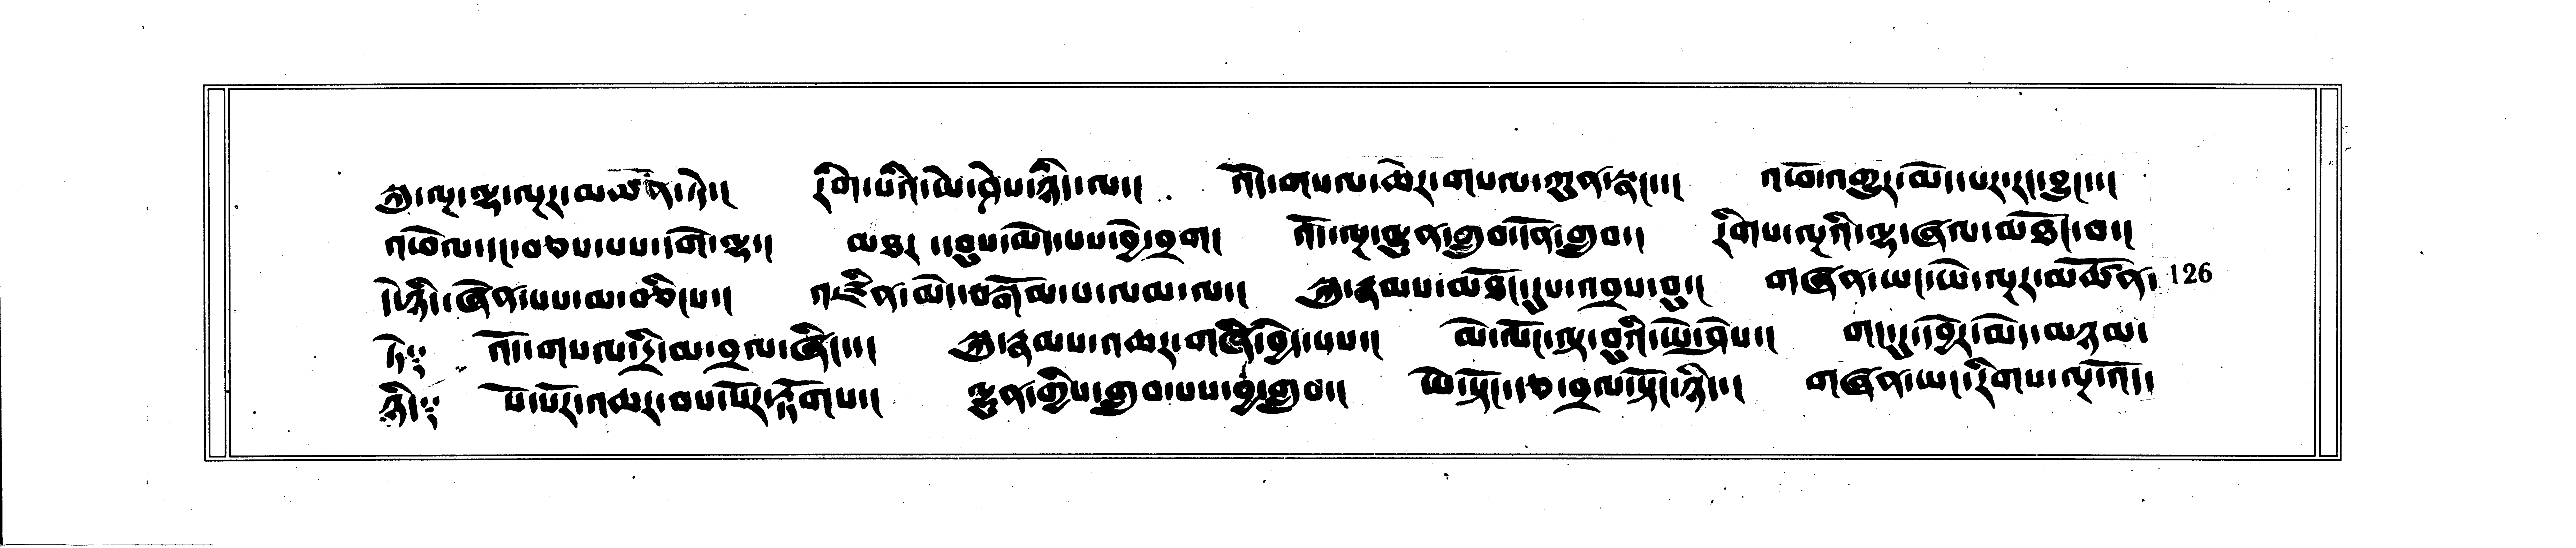སྐུ་ལྔ་ལྷ་ལྔར་མཚོན་ཏེ། །རིག་པའི་ཡེ་ཤེས་ཉིད་ལ། །འོད་གསལ་ཆེར་གསལ་ཀུན་སྣང་། །འཕོ་འགྱུར་མེད་པར་རང་འབྱུང་། །
འཕེལ་དང་བཅས་པས་དགེ་ལྷ། །མཐའ་དབུས་མེད་པས་བྱེ་བྲག །འོད་ལྔ་ལྷུན་གྲུབ་དོན་གྲུབ། །རིགས་ལྔའི་ལྷ་ཞལ་མཐོང་བ། །
དེ་ཉིད་ཞེན་པས་མ་བཅིངས། །འཛིན་མེད་བསྒོམ་པ་ལམ་ལ། །སྐུ་རྣམས་མཐོང་དུས་འབྲས་བུ། །གཞན་ཡང་ཡེ་ལྔར་མཚོན་
ཏེ། །འོད་གསལ་དྲི་མ་བྲལ་ཞིང་། །སྐུ་རྣམས་འཆར་གཞི་བྱེད་པས། །མེ་ལོང་ལྟ་བུའི་ཡེ་ཤེས། །གང་དུ་དབྱེར་མེད་མཉམ་
ཉིད། །སོ་སོར་འཆར་བས་སོར་རྟོགས། །ལྷུན་གྱིས་གྲུབ་པས་བྱ་གྲུབ། །ཡེ་སྟོང་རྩ་བྲལ་སྟོང་ཉིད། །གཞན་ཡང་རིགས་ལྔ་འོད་